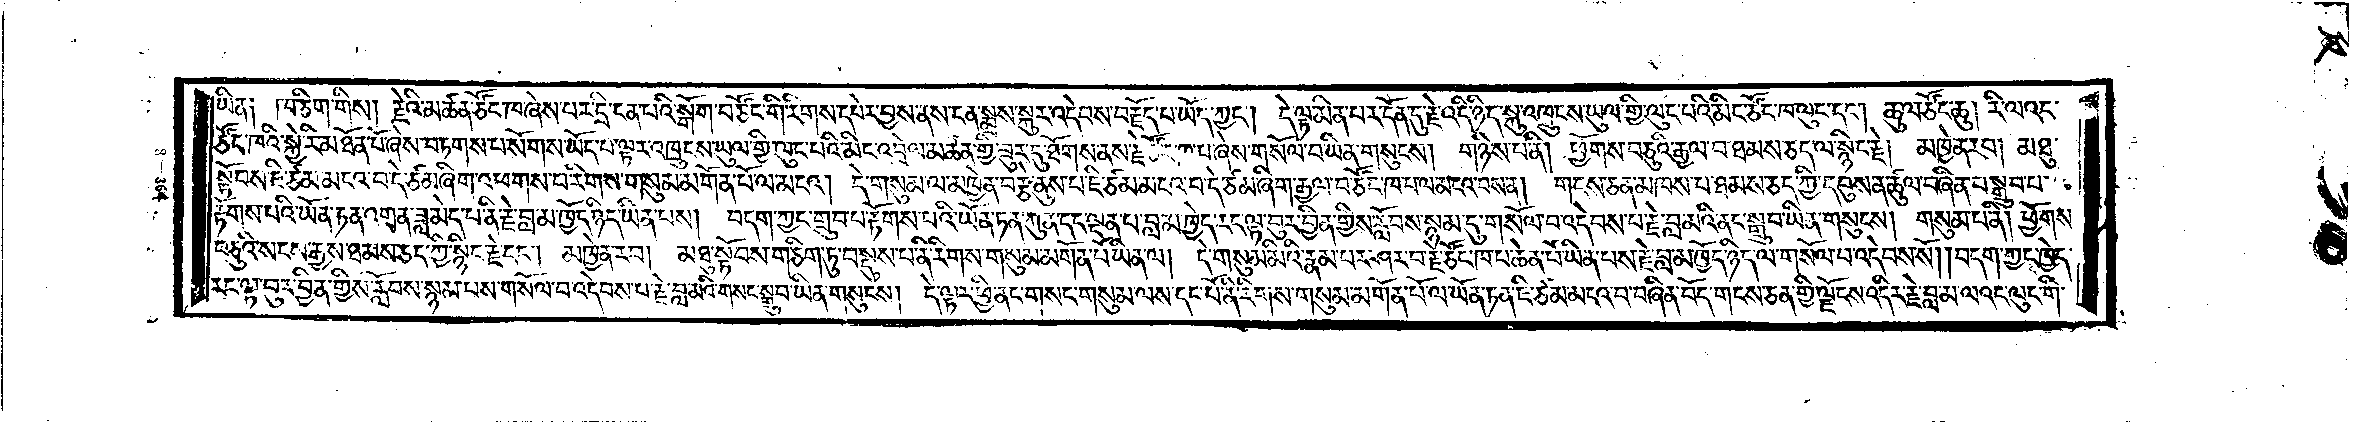ཡིན༑ ཁ་ཅིག་གིས། རྗེའི་མཚན་ཙོང་ཁ་ཞེས་པར་དྲི་ངན་པའི་སྒོག་བཙོང་གི་རིགས་དཔེར་བྱས་ནས་ངན་སྨྲས་སྐུར་འདེབས་བརྗོད་པ་ཡོད་ཀྱང་། དེ་ལྟ་མིན་པར་དོན་དུ་རྗེ་འདི་ཉིད་སྐུ་འཁྲུངས་ཡུལ་གྱི་ལུང་པའི་མིང་ཙོང་ཁ་ལུང་དང་། ཆུ་ལ་ཙོང་ཆུ། རི་ལའང་
ཙོང་ཁའི་སྐྱེ་རི་མཐོན་པོ་ཞེས་བཏགས་པ་སོགས་ཡོད་པ་ལྟར་འཁྲུངས་ཡུལ་གྱི་ལུང་པའི་མིང་འབྲེལ་མཚན་གྱི་ཟུར་དུ་ཐོགས་ནས་རྗེ་ཙོང་ཁ་པ་ཞེས་གསོལ་བ་ཡིན་གསུངས། གཉིས་པ་ནི། ཕྱོགས་བཅུའི་རྒྱལ་བ་ཐམས་ཅད་ལ་སྙིང་རྗེ། མཁྱེན་རབ། མཐུ་
སྟོབས་ཇི་ཙམ་མངའ་བ་དེ་ཙམ་ཞིག་འཕགས་པ་རིགས་གསུམ་མགོན་པོ་ལ་མངའ། དེ་གསུམ་ལ་མཁྱེན་བརྩེ་ནུས་པ་ཇི་ཙམ་མངའ་བ་དེ་ཙམ་ཞིག་རྒྱལ་བ་ཙོང་ཁ་པ་ལ་མངའ་བས་ན། གངས་ཅན་མཁས་པ་ཐམས་ཅད་ཀྱི་དབུས་ན་ཚུལ་བཞིན་བསྒྲུབ་པ་
རྟོགས་པའི་ཡོན་ཏན་འགྲན་ཟླ་མེད་པ་ནི་རྗེ་བླ་མ་ཁྱོད་ཉིད་ཡིན་པས། བདག་ཀྱང་གྲུབ་པ་རྟོགས་པའི་ཡོན་ཏན་ཀུན་དང་ལྡན་པ་བླ་མ་ཁྱེད་རང་ལྟ་བུར་བྱིན་གྱིས་རློབས་སྙམ་དུ་གསོལ་བ་འདེབས་པ་རྗེ་བླ་མའི་ནང་སྒྲུབ་ཡིན་གསུངས། གསུམ་པ་ནི། ཕྱོགས་
བཅུའི་སངས་རྒྱས་ཐམས་ཅད་ཀྱི་སྙིང་རྗེ་དང་། མཁྱེན་རབ། མཐུ་སྟོབས་གཅིག་ཏུ་བསྡུས་པ་ནི་རིགས་གསུམ་མགོན་པོ་ཡིན་ལ། དེ་གསུམ་མིའི་རྣམ་པར་ཤར་བ་རྗེ་ཙོང་ཁ་པ་ཆེན་པོ་ཡིན་པས་རྗེ་བླ་མ་ཁྱོད་ཉིད་ལ་གསོལ་བ་འདེབས་སོ། །བདག་ཀྱང་ཁྱེད་
རང་ལྟ་བུར་བྱིན་གྱིས་རློབས་སྙམ་པས་གསོལ་བ་འདེབས་པ་རྗེ་བླ་མའི་གསུང་སྒྲུབ་ཡིན་གསུངས། དེ་ལྟར་ཕྱི ༡་ནང ༢་གསང ༣་གསུམ་ལས་དང་པོ་ནི་རིགས་གསུམ་མགོན་པོ་ལ་ཡོན་ཏན་ཇི་ཙམ་མངའ་བ་བཞིན་བོད་གངས་ཅན་གྱི་ལྗོངས་འདིར་རྗེ་བླ་མ་ལའང་ལུང་གི་